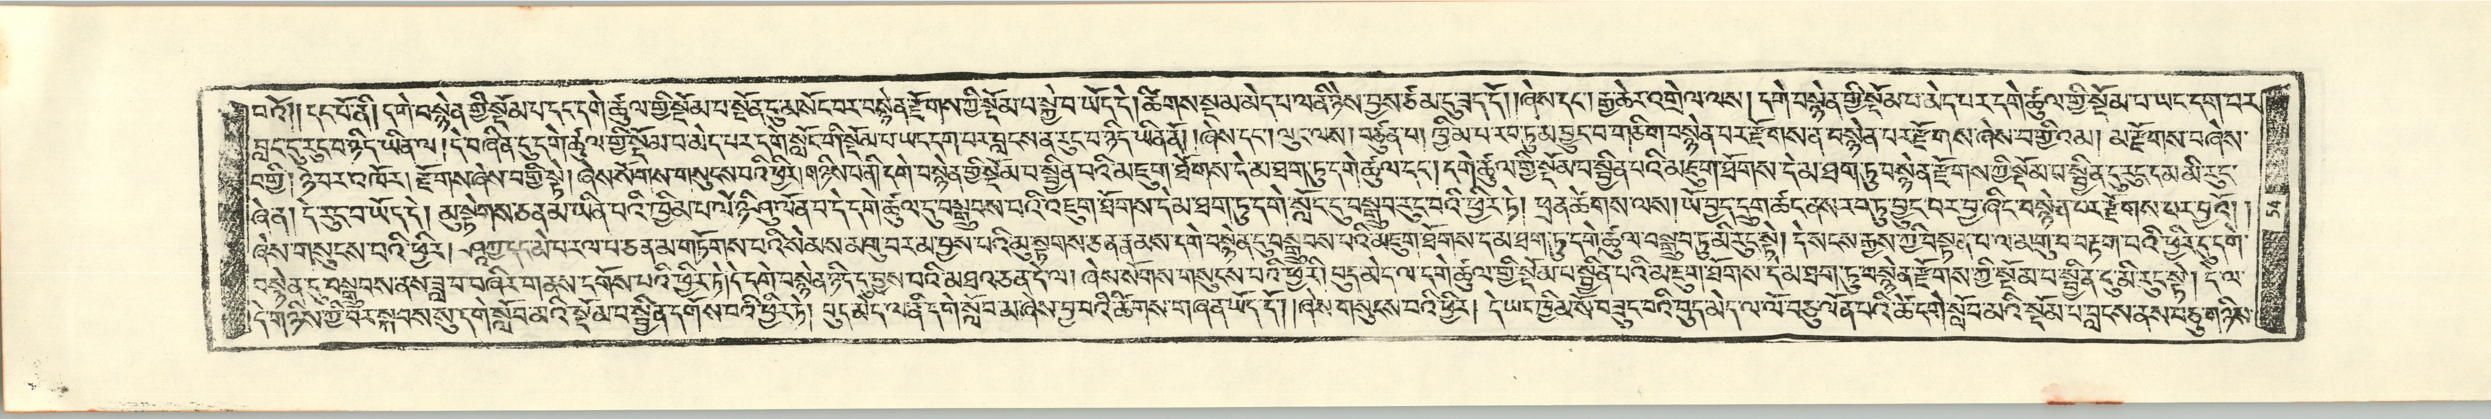བའོ། །དང་པོ་ནི། དགེ་བསྙེན་གྱི་སྡོམ་པ་དང་དགེ་ཚུལ་གྱི་སྡོམ་པ་སྔོན་དུ་མ་སོང་བར་བསྙེན་རྫོགས་ཀྱི་སྡོམ་པ་སྐྱེ་བ་ཡོད་དེ། ཚིགས་སྔ་མ་མེད་པ་ལ་ནི་ཉེས་བྱས་ཙམ་དུ་ཟད་དོ། །ཞེས་དང་། རྒྱ་ཆེར་འགྲེལ་ལས། དགེ་བསྙེན་གྱི་སྡོམ་པ་མེད་པར་དགེ་ཚུལ་གྱི་སྡོམ་པ་ཡང་དག་པར་
བླང་དུ་རུང་བ་ཉིད་ཡིན་ལ། དེ་བཞིན་དུ་དགེ་ཚུལ་གྱི་སྡོམ་པ་མེད་པར་དགེ་སློང་གི་སྡོམ་པ་ཡང་དག་པར་བླངས་ན་རུང་བ་ཉིད་ཡིན་ནོ། །ཞེས་དང་། ལུང་ལས། བཙུན་པ། ཁྱིམ་པ་རབ་ཏུ་མ་བྱུང་བ་གཅིག་བསྙེན་པར་རྫོགས་ནས་བསྙེན་པར་རྫོགས་ཞེས་པ་གྱི་འམ། མ་རྫོགས་བཞེས་
བགྱི། ཉེ་བར་འཁོར། རྫོགས་ཞེས་བགྱི་སྟེ། ཞེས་སོགས་གསུངས་པའི་ཕྱིར། གཉིས་པ་ནི། དགེ་བསྙེན་གྱི་སྡོམ་པ་སྦྱིན་པའི་མཇུག་ཐོགས་དེ་མ་ཐག་ཏུ་དགེ་ཚུལ་དང་། དགེ་ཚུལ་གྱི་སྡོམ་པ་སྦྱིན་པའི་མཇུག་ཐོགས་དེ་མ་ཐག་ཏུ་བསྙེན་རྫོགས་ཀྱི་སྡོམ་པ་སྦྱིན་དུ་རུང་ངམ་མི་རུང་
ཞེ་ན། དེ་རུང་བ་ཡོད་དེ། མུ་སྟེགས་ཅན་མ་ཡིན་པའི་ཁྱིམ་པ་ལོ་ཉི་ཤུ་ལོན་པ་དེ་དགེ་ཚུལ་དུ་བསྒྲུབས་པའི་འཇུག་ཐོགས་དེ་མ་ཐག་ཏུ་དགེ་སློང་དུ་བསྒྲུབ་རུང་བའི་ཕྱིར་ཏེ། ཕྲན་ཚེགས་ལས། ཡོ་བྱད་དྲུག་ཚང་ནས་རབ་ཏུ་བྱུང་བར་བྱ་ཞིང་བསྙེན་པར་རྫོགས་པར་བྱའོ། །
ཞེས་གསུངས་པའི་ཕྱིར། ཤཱཀྱ་དང་མེ་པ་རལ་པ་ཅན་མ་གཏོགས་པའི་སེམས་མགུ་བར་མ་བྱས་པའི་མུ་སྟགས་ཅན་རྣམས་དགེ་བསྙེན་དུ་བསྒྲུབས་པའི་མཇུག་ཐོགས་དེ་མ་ཐག་ཏུ་དགེ་ཚུལ་བསྒྲུབ་ཏུ་མི་རུང་སྟེ། དེ་སངས་རྒྱས་ཀྱི་བསྟན་པ་ལ་མགུ་བ་བརྟག་པའི་ཕྱིར་དུ་དགེ་
བསྙེན་དུ་བསྒྲུབས་ནས་ཟླ་བ་བཞིར་གནས་དགོས་པའི་ཕྱིར་ཏེ། དེ་དགེ་བསྙེན་ཉིད་དུ་བྱས་པའི་མཐའ་ཅན་དེ་ལ། ཞེས་སོགས་གསུངས་པའི་ཕྱིར། བུད་མེད་ལ་དགེ་ཚུལ་གྱི་སྡོམ་པ་སྦྱིན་པའི་མཇུག་ཐོགས་དེ་མ་ཐག་ཏུ་བསྙེན་རྫོགས་ཀྱི་སྡོམ་པ་སྦྱིན་དུ་མི་རུང་སྟེ། དེ་ལ་
དེ་གཉིས་ཀྱི་བར་སྐབས་སུ་དགེ་སློབ་མའི་སྡོམ་པ་སྦྱིན་དགོས་པའི་ཕྱིར་ཏེ། བུད་མེད་ལ་ནི་དགེ་སློབ་མ་ཞེས་བྱ་བའི་ཚིགས་གཞན་ཡོད་དོ། །ཞེས་གསུངས་པའི་ཕྱིར། དེ་ཡང་ཁྱིམ་སོ་བཟུང་བའི་བུད་མེད་ལ་ལོ་བཅུ་ལོན་པའི་ཚེ་དགེ་སློབ་མའི་སྡོམ་པ་བླངས་ནས་བཅུ་གཉིས་